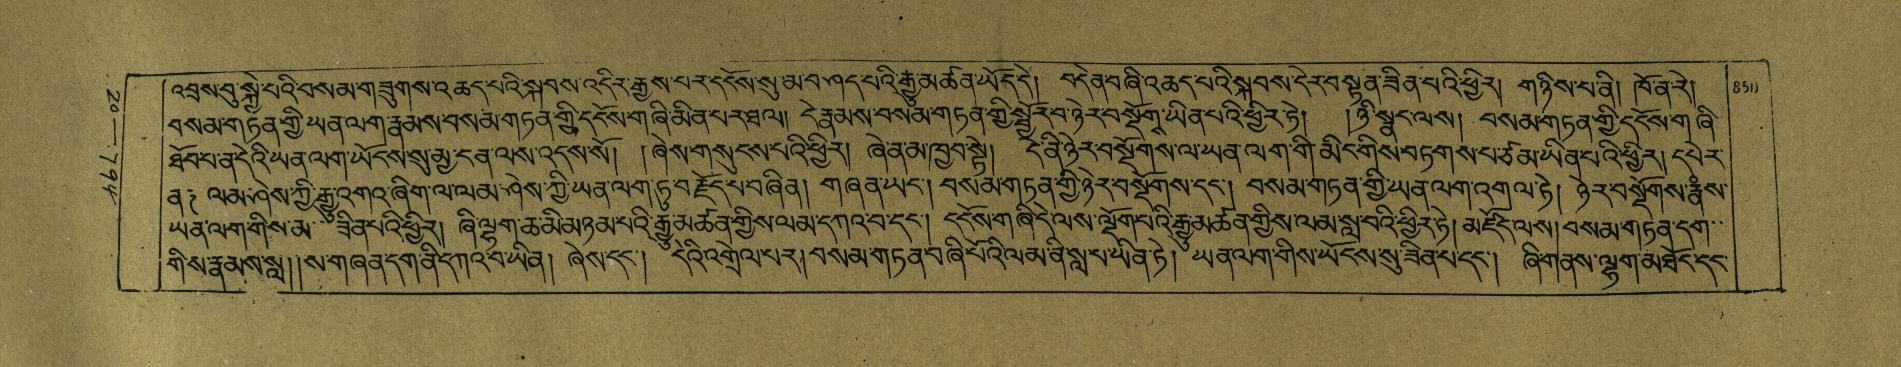འབྲས་བུ་སྐྱེ་པའི་བསམ་གཟུགས་འཆད་པའི་སྐབས་འདིར་རྒྱས་པར་དངོས་སུ་མ་བཤད་པའི་རྒྱུ་མཚན་ཡོད་དེ། བདེན་བཞི་འཆད་པའི་སྐབས་དེར་བསྟན་ཟིན་པའི་ཕྱིར། གཉིས་པ་ནི། ཁོ་ན་རེ།
བསམ་གཏན་གྱི་ཡན་ལག་རྣམས་བསམ་གཏན་གྱི་དངོས་གཞི་མིན་པར་ཐལ། དེ་རྣམས་བསམ་གཏན་གྱི་སྦྱོར་བ་ཉེར་བསྡོགས་ཡིན་པའི་ཕྱིར་ཏེ། །ཉི་སྣང་ལས། བསམ་གཏན་གྱི་དངོས་གཞི་
ཐོབ་པ་ན་དེའི་ཡན་ལག་ཡོངས་སུ་མྱ་ངན་ལས་འདས་སོ། །ཞེས་གསུངས་པའི་ཕྱིར། ཞེ་ན་མ་ཁྱབ་སྟེ། དེ་ནི་ཉེར་བསྡོགས་ལ་ཡན་ལག་གི་མིང་གིས་བཏགས་པ་ཙམ་ཡིན་པའི་ཕྱིར། དཔེར་
ན༑ ལམ་ཤེས་ཀྱི་རྒྱུ་འགའ་ཞིག་ལ་ལམ་ཤེས་ཀྱི་ཡན་ལག་ཏུ་བརྗོད་པ་བཞིན། གཞན་ཡང་། བསམ་གཏན་གྱི་ཉེར་བསྡོགས་དང་། བསམ་གཏན་གྱི་ཡན་ལག་འགལ་ཏེ། ཉེར་བསྡོགས་རྣཾས་
ཡན་ལག་གིས་མ་ཟིན་པའི་ཕྱིར། ཞི་ལྷག་ཆ་མི་མཉམ་པའི་རྒྱུ་མཚན་གྱིས་ལམ་དཀའ་བ་དང་། དངོས་གཞི་དེ་ལས་ལྡོག་པའི་རྒྱུ་མཚན་གྱིས་ལམ་སླ་བའི་ཕྱིར་ཏེ། མཛོད་ལས། བསམ་གཏན་དག་
གི་ས་རྣམས་སླ། །ས་གཞན་དག་ནི་དཀའ་བ་ཡིན། ཞེས་དང་། དེའི་འགྲེལ་པར། བསམ་གཏན་བཞི་པོའི་ལམ་ནི་སླ་པ་ཡིན་ཏེ། ཡན་ལག་གིས་ཡོངས་སུ་ཟིན་པ་དང་། ཞི་གནས་ལྷག་མཐོང་དང་